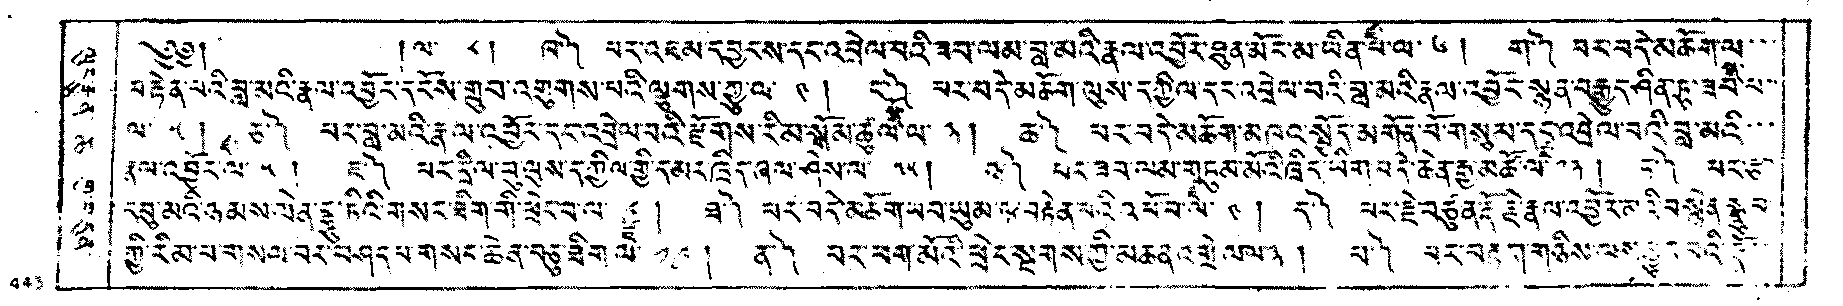༄༅། །ལ ༨། ཁ྄་པར་འཇམ་དབྱངས་དང་འབྲེལ་བའི་ཟབ་ལམ་བླ་མའི་རྣལ་འབྱོར་ཐུན་མོང་མ་ཡིན་པ་ཛ་པ་ལ ༦། ག྄་པར་བདེ་མཆོག་ལ་
བརྟེན་པའི་བླ་མའི་རྣལ་འབྱོར་དངོས་གྲུབ་འགུགས་པའི་ལྕགས་ཀྱུ་ལ ༤། ང྄་པར་བདེ་མཆོག་ལུས་དཀྱིལ་དང་འབྲེལ་བའི་བླ་མའི་རྣལ་འབྱོར་སྙན་བརྒྱུད་ཤིན་ཏུ་ཟབ་སྒ་པ་
ལ ༥། ཅ྄་པར་བླ་མའི་རྣལ་འབྱོར་དང་འབྲེལ་བའི་རྫོགས་རིམ་སྒོམ་ཚུལ་སྒོ་ལ ༣། ཆ྄་པར་བདེ་མཆོག་མཁའ་སྤྱོད་མགོན་པོ་གསུམ་དང་འབྲེལ་བའི་བླ་མའི་
རྣལ་འབྱོར་ཛ་ལ ༥། ཇ྄་པར་དྲིལ་བུ་ལུས་དཀྱིལ་གྱི་དམར་ཁྲིད་ཞལ་ཤེས་ལ ༥༥། ཉ྄་པར་ཟབ་ལམ་གཏུམ་མོའི་ཁྲིད་ཡིག་བདེ་ཆེན་རྒྱ་མཚོ་ལ་ཛ ༡༢། ཏ྄་པར་རྩ་
དབུ་མའི་ཉམས་ལེན་དྷཱུ་ཏིའི་གསང་ཐིག་གི་ཕྲེང་བ་ལ ༩་ཛ། ཐ྄་པར་བདེ་མཆོག་ཡབ་ཡུམ་ལ་བརྟེན་པའི་འཕོ་བ་ཛ་ལ ༤། ད྄་པར་རྗེ་བཙུན་རྡོ་རྗེ་རྣལ་འབྱོར་མའི་བསྙེན་སྒྲུབ་
ཀྱི་རིམ་པ་གསལ་བར་བཤད་པ་གསང་ཆེན་བཅུ་ཐིག་ལ་ཛ ༡༩། ན྄་པར་ཕག་མོའི་ཕྲེང་སྔགས་ཀྱི་མཆན་འགྲེལ་ལ ༣། པ྄་པར་བརྟག་གཉིས་ལས་བྱུང་བའི་རྡོ་